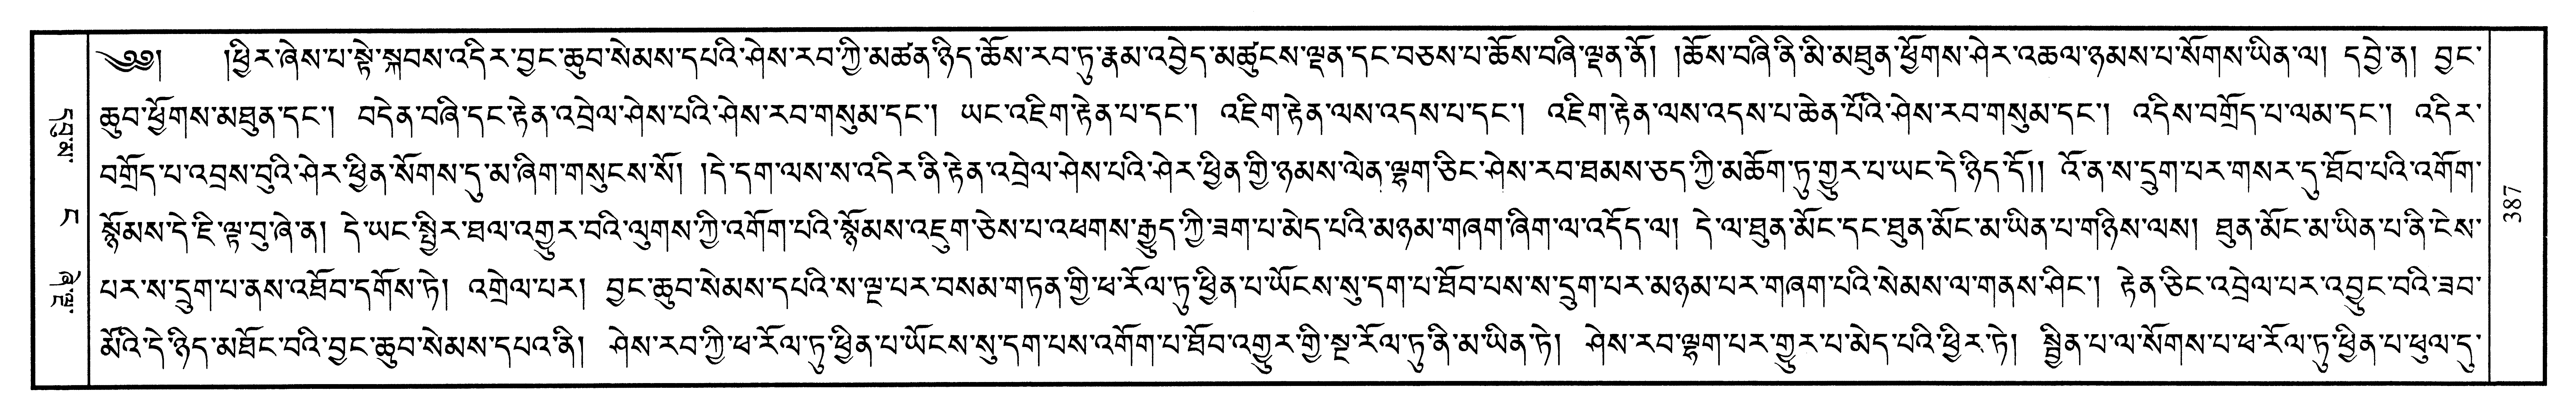༄༅། །ཕྱིར་ཞེས་པ་སྟེ་སྐབས་འདིར་བྱང་ཆུབ་སེམས་དཔའི་ཤེས་རབ་ཀྱི་མཚན་ཉིད་ཆོས་རབ་ཏུ་རྣམ་འབྱེད་མཚུངས་ལྡན་དང་བཅས་པ་ཆོས་བཞི་ལྡན་ནོ། །ཆོས་བཞི་ནི་མི་མཐུན་ཕྱོགས་ཤེར་འཆལ་ཉམས་པ་སོགས་ཡིན་ལ། དབྱེ་ན། བྱང་
ཆུབ་ཕྱོགས་མཐུན་དང་། བདེན་བཞི་དང་རྟེན་འབྲེལ་ཤེས་པའི་ཤེས་རབ་གསུམ་དང་། ཡང་འཇིག་རྟེན་པ་དང་། འཇིག་རྟེན་ལས་འདས་པ་དང་། འཇིག་རྟེན་ལས་འདས་པ་ཆེན་པོའི་ཤེས་རབ་གསུམ་དང་། འདིས་བགྲོད་པ་ལམ་དང་། འདིར་
བགྲོད་པ་འབྲས་བུའི་ཤེར་ཕྱིན་སོགས་དུ་མ་ཞིག་གསུངས་སོ། །དེ་དག་ལས་ས་འདིར་ནི་རྟེན་འབྲེལ་ཤེས་པའི་ཤེར་ཕྱིན་གྱི་ཉམས་ལེན་ལྷག་ཅིང་ཤེས་རབ་ཐམས་ཅད་ཀྱི་མཆོག་ཏུ་གྱུར་པ་ཡང་དེ་ཉིད་དོ།། འོ་ན་ས་དྲུག་པར་གསར་དུ་ཐོབ་པའི་འགོག་
སྙོམས་དེ་ཇི་ལྟ་བུ་ཞེ་ན། དེ་ཡང་སྤྱིར་ཐལ་འགྱུར་བའི་ལུགས་ཀྱི་འགོག་པའི་སྙོམས་འཇུག་ཅེས་པ་འཕགས་རྒྱུད་ཀྱི་ཟག་པ་མེད་པའི་མཉམ་གཞག་ཞིག་ལ་འདོད་ལ། དེ་ལ་ཐུན་མོང་དང་ཐུན་མོང་མ་ཡིན་པ་གཉིས་ལས། ཐུན་མོང་མ་ཡིན་པ་ནི་ངེས་
པར་ས་དྲུག་པ་ནས་འཐོབ་དགོས་ཏེ། འགྲེལ་པར། བྱང་ཆུབ་སེམས་དཔའི་ས་ལྔ་པར་བསམ་གཏན་གྱི་ཕ་རོལ་ཏུ་ཕྱིན་པ་ཡོངས་སུ་དག་པ་ཐོབ་པས་ས་དྲུག་པར་མཉམ་པར་གཞག་པའི་སེམས་ལ་གནས་ཤིང་། རྟེན་ཅིང་འབྲེལ་པར་འབྱུང་བའི་ཟབ་
མོའི་དེ་ཉིད་མཐོང་བའི་བྱང་ཆུབ་སེམས་དཔའ་ནི། ཤེས་རབ་ཀྱི་ཕ་རོལ་ཏུ་ཕྱིན་པ་ཡོངས་སུ་དག་པས་འགོག་པ་ཐོབ་འགྱུར་གྱི་སྔ་རོལ་ཏུ་ནི་མ་ཡིན་ཏེ། ཤེས་རབ་ལྷག་པར་གྱུར་པ་མེད་པའི་ཕྱིར་ཏེ། སྦྱིན་པ་ལ་སོགས་པ་ཕ་རོལ་ཏུ་ཕྱིན་པ་ཕུལ་དུ་